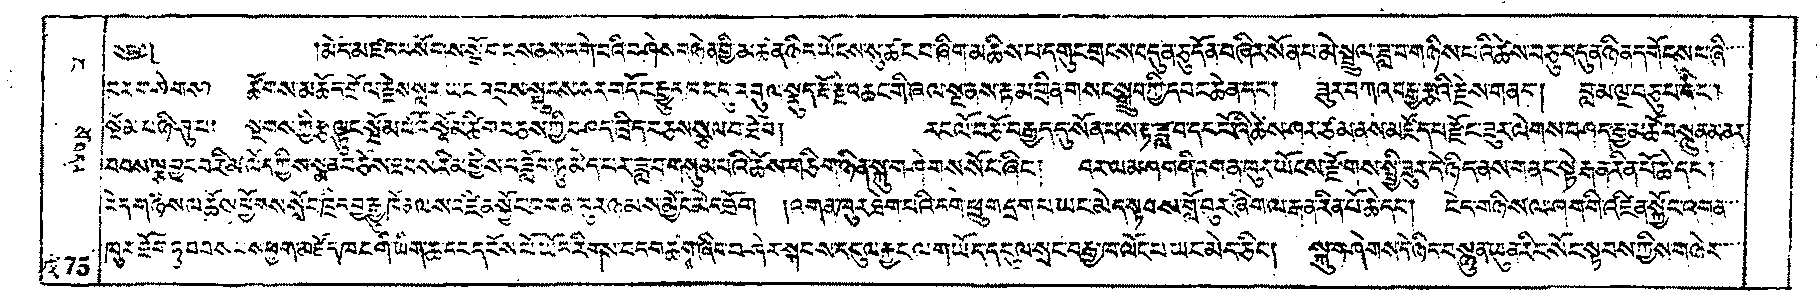༄༅། །མེད་མཛད་པ་སོགས་སྒོ་གངས་ནས་དགེ་བའི་བཤེས་གཉེན་གྱི་མཚན་ཉིད་ཡོངས་སུ་ཚང་བ་ཞིག་མཆིས་པ་དགུང་གྲངས་བདུན་ཅུ་དོན་བཞིར་སོན་པ་མེ་སྤྲུལ་ཟླ་བ་གཉིས་པའི་ཚེས་བཅུ་བདུན་ཉིན་དགོངས་པ་ཞི་
བར་གཤེགས། ཚོགས་མཆོད་གྲོལ་རྗེས་སླར་ཡང་འབྲས་སྤུངས་ཧར་གདོང་རྒྱུད་ཁང་དུ་འབུལ་སྡུད་རྡོ་རྗེ་འཆང་གི་ཞལ་སྔ་ནས་རྟ་མགྲིན་གསང་སྒྲུབ་ཀྱི་དབང་ཆེན་དང་། ཟུར་བཀའ་བརྒྱ་རྩའི་རྗེས་གནང་། བླ་མ་ལྔ་བཅུ་པ་དང་།
སྡོམ་པ་ཉི་ཤུ་པ། སྔགས་ཀྱི་རྩ་ལྟུང་སྦོམ་པོའི་སྡོམ་ཚིག་བཅས་ཀྱི་བཤད་ཁྲིད་བཅས་སྩལ་བ་ཐོབ། རང་ལོ་བཅོ་བརྒྱད་དུ་སོན་པས་རྟ་ཟླ་བ་དང་པོའི་ཚེས་ཤར་ཙམ་ནས་མཛོད་པ་རྫོང་ཟུར་ལེགས་བཤད་རྒྱ་མཚོ་བསྙུན་མནར་
བབས་ལྕ་བྱུང་བ་རིམ་ལོད་ཀྱིས་སྨན་བཅོས་ཐབས་རིམ་གྱིས་བཟློག་ཏུ་མེད་པར་ཟླ་བ་གསུམ་པའི་ཆོས་གཅིག་ཉིན་སྐུ་གཤེགས་སོང་ཞིང་། བར་ལམ་ཤག་གི་འགན་ཁུར་ཡོངས་རྫོགས་སྤྱི་ཟུར་དེ་ཉིད་ནས་གནང་སྟེ་རྒན་རིན་པོ་ཆེ་དང་།
ངེད་གཉིས་ལ་ཆོས་ཕྱོགས་སློང་ཁྲིད་བྱ་རྒྱུ་ཁོན་ལས་འཛིན་སྐྱོང་འགན་ཁུར་ཉམས་མྱོང་མེད་ཐོག །འགན་ཁུར་ཐེག་པའི་དགེ་ཕྲུག་དྲག་པ་ཡང་མེད་སྟབས་གློ་བུར་ཞིག་ལ་རྒན་རིན་པོ་ཆེ་དང་། ངེད་གཉིས་ལ་ཤག་གི་འཛིན་སྐྱོང་འགན་
ཁུར་ཐོག་ཏུ་བབས་པས་ཕྱག་མཛོད་ཁང་གི་ཡིག་ཆ་དང་དངོས་པོ་ཡོད་རིགས་བདག་ཚགས་ཞིབ་གཤེར་སྐབས་དངུལ་རྐྱང་ལག་ཡོད་དངུལ་སྲང་བརྒྱ་ཁ་ལོང་པ་ཡང་མེད་ཅིང་། སྐུ་གཤེགས་དེ་ཉིད་བསྙུན་ཡུན་རིང་སོང་སྟབས་ཀྱིས་གཉེར་